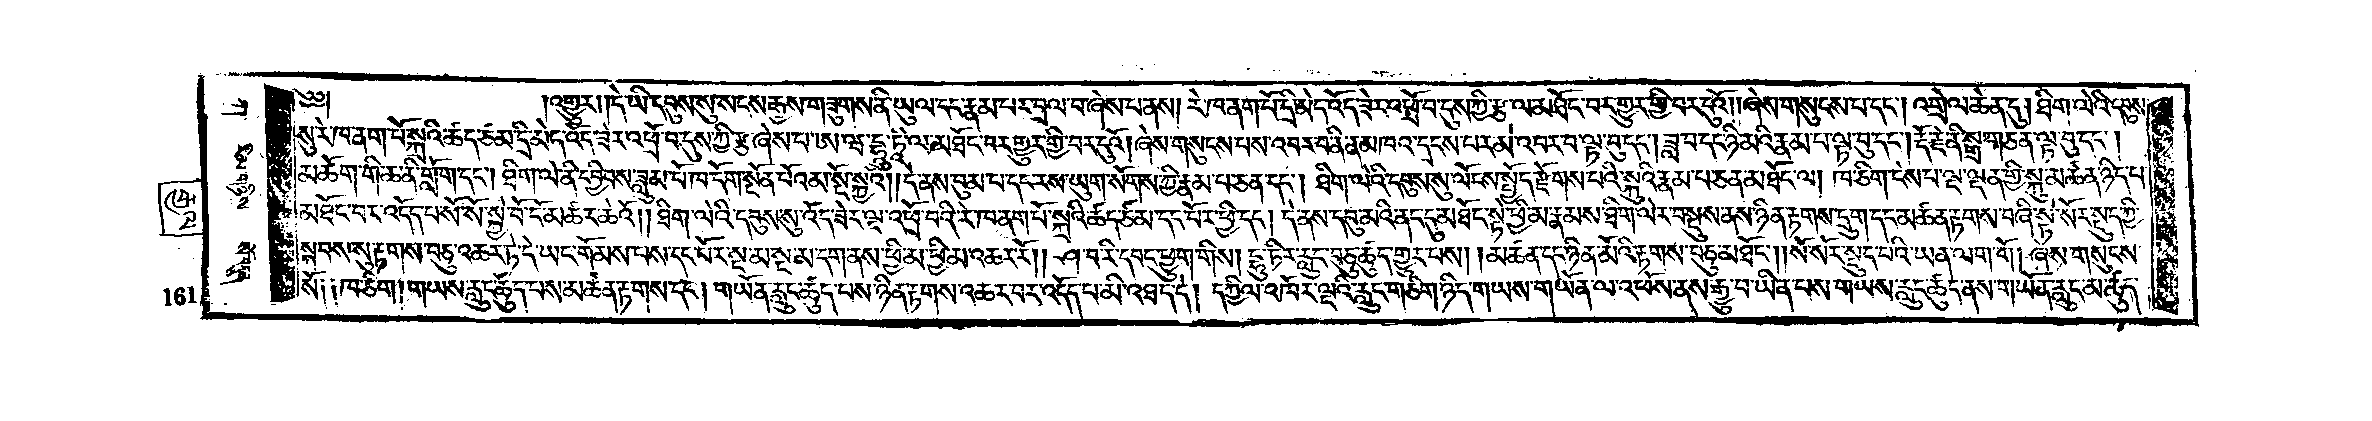༄༅། །འགྱུར། །དེ་ཡི་དབུས་སུ་སངས་རྒྱས་གཟུགས་ནི་ཡུལ་དང་རྣམ་པར་བྲལ་བ་ཞེས་པ་ནས། རེ་ཁ་ནག་པོ་དྲི་མེད་འོད་ཟེར་འཕྲོ་བ་དུས་ཀྱི་རྩ་ལ་མཐོང་བར་གྱུར་གྱི་བར་དུའོ། །ཞེས་གསུངས་པ་དང་། འགྲེལ་ཆེན་དུ། ཐིག་ལེའི་དབུས་
སུ་རེ་ཁ་ནག་པོ་སྐྲའི་ཚད་ཙམ་དྲི་མེད་འོད་ཟེར་འཕྲོ་བ་དུས་ཀྱི་རྩ་ཞེས་པ་ཨ་ཝ་དྷཱུ་ཏཱི་ལ་མཐོང་བར་གྱུར་གྱི་བར་དུའོ། །ཞེས་གསུངས་པས་འབར་བ་ནི་ནམ་མཁའ་དྲངས་པར་མེ་འབར་བ་ལྟ་བུ་དང་། ཟླ་བ་དང་ཉི་མའི་རྣམ་པ་ལྟ་བུ་དང་། རྡོ་རྗེ་ནི་སྒྲ་གཅན་ལྟ་བུ་དང་།
མཆོག་གི་ཆ་ནི་གློག་དང་། ཐིག་ལེ་ནི་དབྱིབས་ཟླུམ་པོ་ཁ་དོག་སྔོན་པོའམ་སྔོ་སྐྱའོ། །དེ་ནས་བུམ་པ་དང་རས་ཡུག་སོགས་ཀྱི་རྣམ་པ་ཅན་དང་། ཐིག་ལེའི་དབུས་སུ་ལོངས་སྤྱོད་རྫོགས་པའི་སྐུའི་རྣམ་པ་ཅན་མཐོང་ལ། ཁ་ཅིག་ངེས་པ་ལྔ་ལྡན་གྱི་སྐུ་མཚན་ཉིད་པ་
མཐོང་བར་འདོད་པ་སོ་སོ་སྐྱེ་བོ་ངོ་མཚར་ཆེའོ། །ཐིག་ལེའི་དབུས་སུ་འོད་ཟེར་ལྔ་འཕྲོ་བའི་རེ་ཁ་ནག་པོ་སྐྲའི་ཚད་ཙམ་དང་པོར་ཕྱི་དང་། དེ་ནས་དབུ་མའི་ནང་དུ་མཐོང་སྟེ་ཕྱི་མ་རྣམས་ཐིག་ལེར་བསྡུས་ནས་ཉིན་རྟགས་དྲུག་དང་མཚན་རྟགས་བཞི་སྟེ་སོར་སྡུད་ཀྱི་
སྐབས་སུ་རྟགས་བཅུ་འཆར་ཏེ་དེ་ཡང་གོམས་པས་དང་པོར་སྔ་མ་སྔ་མ་དག་ནས་ཕྱི་མ་ཕྱི་མ་འཆར་རོ། །ཤ་བ་རི་དབང་ཕྱུག་གིས། དྷུ་ཏིར་རླུང་བཅུ་ཚུད་གྱུར་པས། །མཚན་དང་ཉིན་མོའི་རྟགས་བཅུ་མཐོང་། །སོ་སོར་སྡུད་པའི་ཡན་ལག་གོ །ཞེས་གསུངས་
སོ༑ ༑ཁ་ཅིག །གཡས་རླུང་ཚུད་པས་མཚན་རྟགས་དང་། གཡོན་རླུང་ཚུད་པས་ཉིན་རྟགས་འཆར་བར་འདོད་པ་མི་འཐད་དེ། དཀྱིལ་འཁོར་ལྔའི་རླུང་གཅིག་ཉིད་གཡས་གཡོན་ལ་འཕོས་ནས་རྒྱུ་བ་ཡིན་པས་གཡས་རླུང་ཚུད་ནས་གཡོན་རླུང་མ་ཚུད་